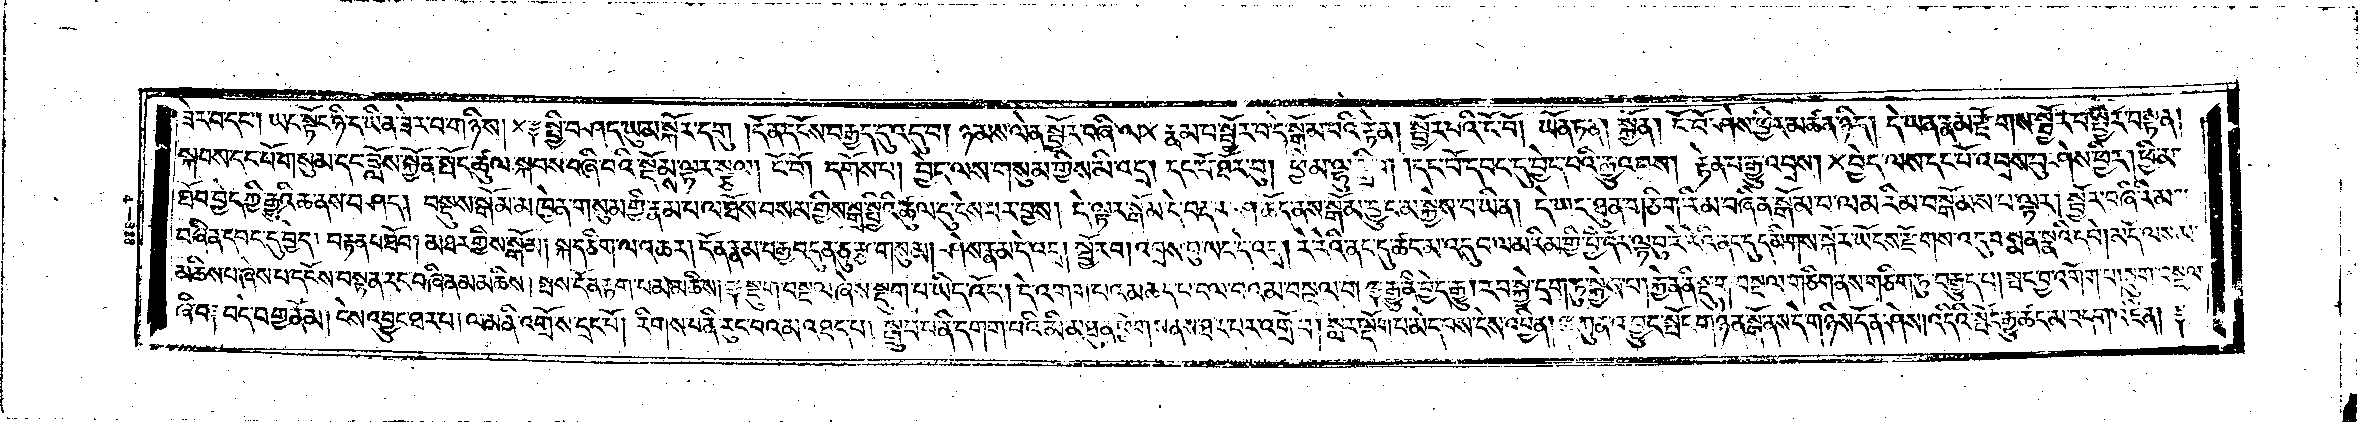ཟེར་བ་དང་། ཡང་སྟོང་ཉིད་ཡིན་ཟེར་བ་གཉིས། ྾་༈ སྤྱི་བཤད་ཡུམ་སྐོར་དགུ །དོན་དངོས་བརྒྱད་དུ་འདུ་བ། ཉམས་ལེན་སྦྱོར་བཞི་ལ་྾་རྣམ་བ་སྦྱོར་བ་དེ་སྒྲོམ་པའི་རྟེན། སྦྱོར་བའི་ངོ་བོ། ཡོན་ཏན། སྐྱོན། ངོ་བོ་ཤེས་ཕྱིར་མཚན་ཉིད། དེ་ཡན་རྣམ་རྫོགས་སྦྱོར་བ་སྤྱིར་བསྟན།
སྐབས་དང་པོ་གསུམ་དང་ཟློས་སྐྱོན་སྤོང་ཚུལ་སྐབས་བཞི་བའི་སྡོམས་ལྟར་སྩལ། ངོ་བོ། དགོས་པ། བྱེད་ལས་གསུམ་གྱིས་མི་འདྲ། དང་ངོ་ཐོར་བུ། ཕྱི་མ་ལྷུ་སྒྲིག །དང་པོ་དབང་དུ་བྱེད་པའི་རྒྱུ་འབྲས། རྟེན་པ་རྒྱུ་འབྲས། ྾་བྱེད་ལས་དང་པོ་འབྲས་བུ་ཤེས་ཕྱིར། ཕྱི་མ་
ཐོབ་བྱེད་ཀྱི་རྒྱུའི་ཆ་ནས་བཤད། བསྡུས་སྒོམ་མཁྱེན་གསུམ་གྱི་རྣམ་པ་ལ་ཐོས་བསམ་གྱིས་སྒྲ་སྤྱིའི་ཚུལ་དུ་ངེས་པར་བྱས། དེ་ལྟར་སྒོམ་དེ་བརྡར་ཤ་ཆོད་ནས་སྒོམ་བྱུང་མ་སྐྱེས་པ་ཡིན། དེ་ཡང་ཐུན་གཅིག་རིམ་བཞིན་སྒོམ་པ་ལམ་རིམ་བསྒོམས་པ་ལྟར། སྦྱོར་བཞི་རིམ་
བཞིན་དབང་དུ་བྱེད། བརྟན་པ་ཐོབ། མཐར་གྱིས་སྒོམ། སྐད་ཅིག་ལ་འཆར། དོན་རྣམ་བརྒྱ་བདུན་ཅུ་རྩ་གསུམ། ཤེས་རྣམ་དེ་འདྲ། སྦྱོར་བ། འབྲས་བུ་ཡང་དེ་འདྲ། རེ་རེའི་ནང་དུ་ཚང་མ་འདུལ་ལམ་རིམ་གྱི་བྱི་དོར་ལྟ་བུ་རེ་རེའི་ནང་དུ་དམིགས་སྐོར་ཡོངས་རྫོགས་འདུ་བ་སྨན་སྣའི་དཔེ། མདོ་ལས་མ་
མཆིས་པ་ཞེས་པ་དངོས་བསྟན་རང་བཞིན་མ་མཆིས། སྤས་དོན་རྟག་པ་མ་མཆིས། ༈ སྡུག་བསྔལ་ཞེས་སྡུག་པ་ཡིད་འོང་། དེ་འགབ་པའང་མཆད་པ་ངལ་བའམ་བསྔལ་བ། ༈ རྒྱུ་ནི་བྱེད་རྒྱུ། རབ་སྐྱེ་དྲག་ཏུ་སྐྱེས་པ། རྐྱེན་ནི་སྡུག་བསྔལ་གཅིག་ནས་གཅིག་ཏུ་བརྒྱུད་པ། སྤང་བྱ་འགོག་པ། སྡུག་བསྔལ་
ཞིབ༑ བདེ་བགྱ་ནོམ། ངེས་འབྱུང་ཐར་པ། ལམ་ནི་འགྲོས་དྲང་པོ། རིགས་པ་ནི་རུང་བའམ་འཐད་པ། སྒྲུབ་པ་ནི་དགག་པའི་མི་མཐུན་ཕྱོགས་ནས་ཐར་པར་འགྲོ་བ། སླར་ལྡོག་པ་མེད་པས་ངེས་འབྱིན། ༈ ཀུན་འབྱུང་སྤོང་གཉེན་སྒོ་ནས་དེ་གཉིས་དོན་ཤེས། འདིའི་སྤོང་རྒྱུ་ཚང་མ་བདག་འཛིན། ༈